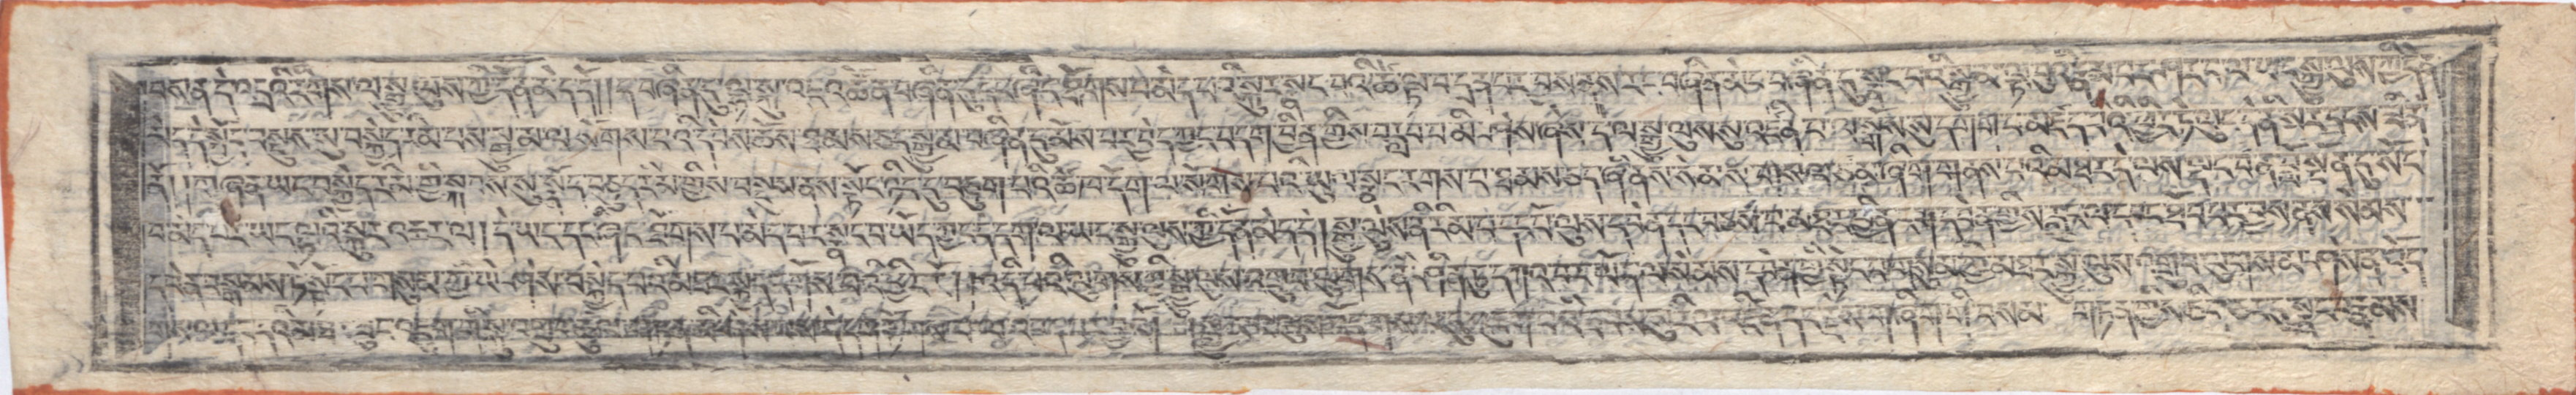བས་ན་དེ་འདྲའི་རིགས་ལ་སྒྱུ་ལུས་ཀྱི་དོན་མེད་དོ། །དེ་བཞིན་དུ་ལྷ་སྐུ་འཇའ་ཚོན་བཞིན་དུ་དང་ཞིང་ཐོགས་པ་མེད་པའི་སྐུར་སྣང་བའི་ཚེ་ལྟ་བ་དྲན་པར་བྱས་ནས་རང་བཞིན་མེད་བཞིན་དུ་སྣང་བའི་སྒྱུ་མ་ལྟ་བུའི་རྣམ་པར་ཤར་བ་ལ་ཡང་སྒྱུ་ལུས་ཀྱི་དོན་
མེད་དེ་སྤྱོད་བསྡུས་སུ་བསྐྱེད་རིམ་པས་སྒྱུ་མ་ལ་སོགས་པའི་དཔེས་ཆོས་ཐམས་ཅད་སྒྱུ་མ་བཞིན་དུ་མོས་པར་བྱེད་ཀྱང་བདག་བྱིན་གྱིས་བརླབ་པ་མི་ཤེས་ཞེས་དེ་ལ་སྒྱུ་ལུས་སུ་འཛིན་པ་ལ་སྒོས་སུ་དགག་པ་མཛད་པའི་ཕྱིར་ཏེ་ལུང་དེ་ནི་སྔར་དྲངས་ཟིན་
ནོ། །གཞན་ཡང་བསྐྱེད་རིམ་གྱི་སྐབས་སུ་སྣོད་བཅུད་རིམ་གྱིས་བསྡུས་ནས་སྟོང་ཉིད་དུ་བཅུག་པའི་ཚེ་ཁ་དོག་ལ་སོགས་པའི་ཡུལ་སྣང་རགས་པ་ཐམས་ཅད་ཞི་ནས་སེམས་གསལ་ཙམ་ཞིག་གནས་པའི་མཐར་དེ་ལས་ལྡང་བ་ན་བློ་སྔོན་དུ་སོང་
བ་མེད་པར་ཡང་ལྷའི་སྐུར་འཆར་ལ། དེ་ཡང་དང་ཞིང་ཐོགས་པ་མེད་པར་སྣང་བ་ཡོད་ཀྱང་དེ་དག་ལ་ཡང་སྒྱུ་ལུས་ཀྱི་དོན་མེད་དེ། སྒྱུ་ལུས་ནི་རིམ་པ་དང་པོ་ལུས་དབེན་དང་བཅས་པ་མཐར་ཕྱིན་ངག་དབེན་གྱིས་རླུང་ལ་དབང་ཐོབ་པར་བྱས་ནས་སེམས་
དབེན་བསྒོམས་ཏེ་སྟོང་པ་གསུམ་གྱི་ཡེ་ཤེས་བསྐྱེད་པའི་མཐར་སྐྱེད་དགོས་པའི་ཕྱིར་རོ། །འདི་པའི་ལུས་ཀྱི་སྒྱུ་ལུས་འགྲུབ་ལུགས་ནི་ཤིན་ཏུ་དཀའ་བར་ཡོད་ལ་སེམས་དབེན་གྱི་སྟོང་པ་གསུམ་གྱི་མཐར་སྒྱུ་ལུས་འགྲུབ་ལུགས་མ་ཤེས་ན་འོད་
གསལ་དང་དེའི་མཐར་ཟུང་འཇུག་གི་སྐུ་འགྲུབ་ཚུལ་གཏན་མི་ཤེས་པས་དེ་དག་རྟོགས་པ་ལ་འབད་པར་བྱའོ། །སྒྱུ་མའི་ལུས་འོད་གསལ་དུ་འཇུག་པའི་ཐབས་སུ་རིལ་འཛིན་དང་རྗེས་གཞིག་གི་བསམ་གཏན་གྱིས་ཅིག་ཅར་དུ་སྣང་བ་རྣམས་